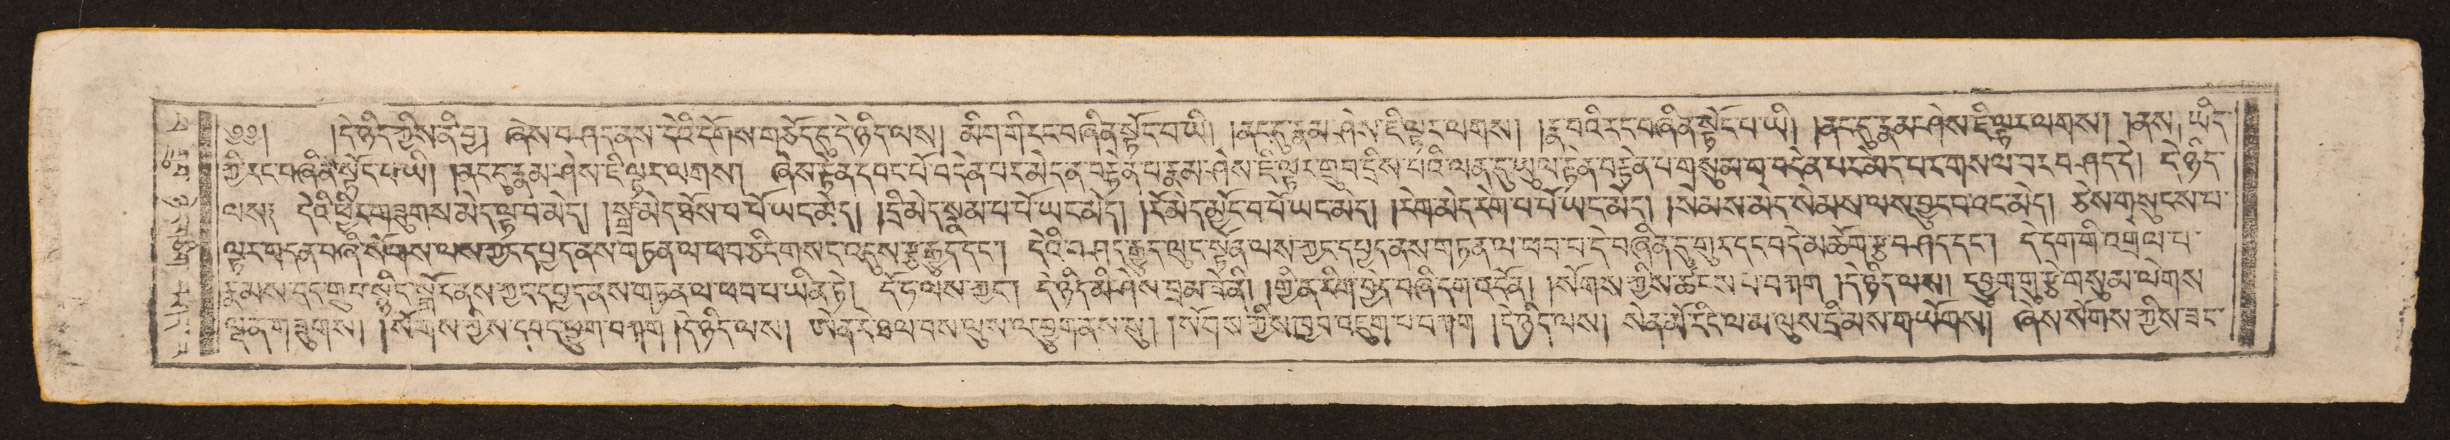༄༅། །དེ་ཉིད་ཀྱིས་ནི་བྱ། ཞེས་བཤད་ནས་དེའི་དགོས་གཅོད་དུ་དེ་ཉིད་ལས། མིག་གི་རང་བཞིན་སྟོང་བ་ཡི། །ནང་དུ་རྣམ་ཤེས་ཇི་ལྟར་ལགས། །རྣ་བའི་རང་བཞིན་སྟོང་བ་ཡི། །ནང་དུ་རྣམ་ཤེས་ཇི་ལྟར་ལགས། །ནས། ཡིད་
ཀྱི་རང་བཞིན་སྟོང་པ་ཡི། །ནང་དུ་རྣམ་ཤེས་ཇི་ལྟར་ལགས། ཞེས་རྟེན་དབང་པོ་བདེན་པར་མེད་ན་བརྟེན་པ་རྣམ་ཤེས་ཇི་ལྟར་གྲུབ་དྲིས་པའི་ལན་དུ་ཡུལ་རྟེན་བརྟེན་པ་གསུམ་ག་བདེན་པར་མེད་པར་གསལ་བར་བཤད་དེ། དེ་ཉིད་
ལས༑ དེའི་ཕྱིར་གཟུགས་མེད་ལྟ་བ་མེད། །སྒྲ་མེད་ཐོས་པ་པོ་ཡང་མེད། །དྲི་མེད་སྣམ་པ་པོ་ཡང་མེད། །རོ་མེད་མྱོང་པ་པོ་ཡང་མེད། །རེག་མེད་རེག་པ་པོ་ཡང་མེད། །སེམས་མེད་སེམས་ལས་བྱུང་བའང་མེད། ཅེས་གསུངས་པ་
ལྟར་གདན་བཞི་སོགས་ལས་ཀྱང་དཔྱད་ནས་གཏན་ལ་ཕབ་ཅིང་གསང་འདུས་རྩ་རྒྱུད་དང་། དེའི་བཤད་རྒྱུད་ལུང་སྟོན་ལས་ཀྱང་དཔྱད་ནས་གཏན་ལ་ཕབ་པ་དེ་བཞིན་དུ་གུར་དང་བདེ་མཆོག་རྩ་བཤད་དང་། དེ་དག་གི་འགྲེལ་པ་
རྣམས་དང་གྲུབ་སྙིང་སྐོར་ནས་ཀྱང་དཔྱད་ནས་གཏན་ལ་ཕབ་པ་ཡིན་ཏེ། དོ་ཧ་ལས་ཀྱང་། དེ་ཉིད་མི་ཤེས་བྲམ་ཟེ་ནི། །གྱི་ན་རིག་བྱེད་བཞི་དག་འདོན། །སོགས་ཀྱིས་ཚངས་པ་བཀག །དེ་ཉིད་ལས། དབྱུག་གུ་རྩེ་གསུམ་ལེགས་
ལྡན་གཟུགས། །སོགས་ཀྱིས་དབང་ཕྱུག་བཀག །དེ་ཉིད་ལས། ཨེ་ན་རེ་ཐལ་བས་ལུས་ལ་བྱུག་ནས་སུ། །སོགས་ཀྱིས་ཁྱབ་འཇུག་པ་བཀག །དེ་ཉིད་ལས། སེན་མོ་རིང་ལ་མ་ལུས་དྲི་མས་གཡོགས། ཞེས་སོགས་ཀྱིས་ཟད་